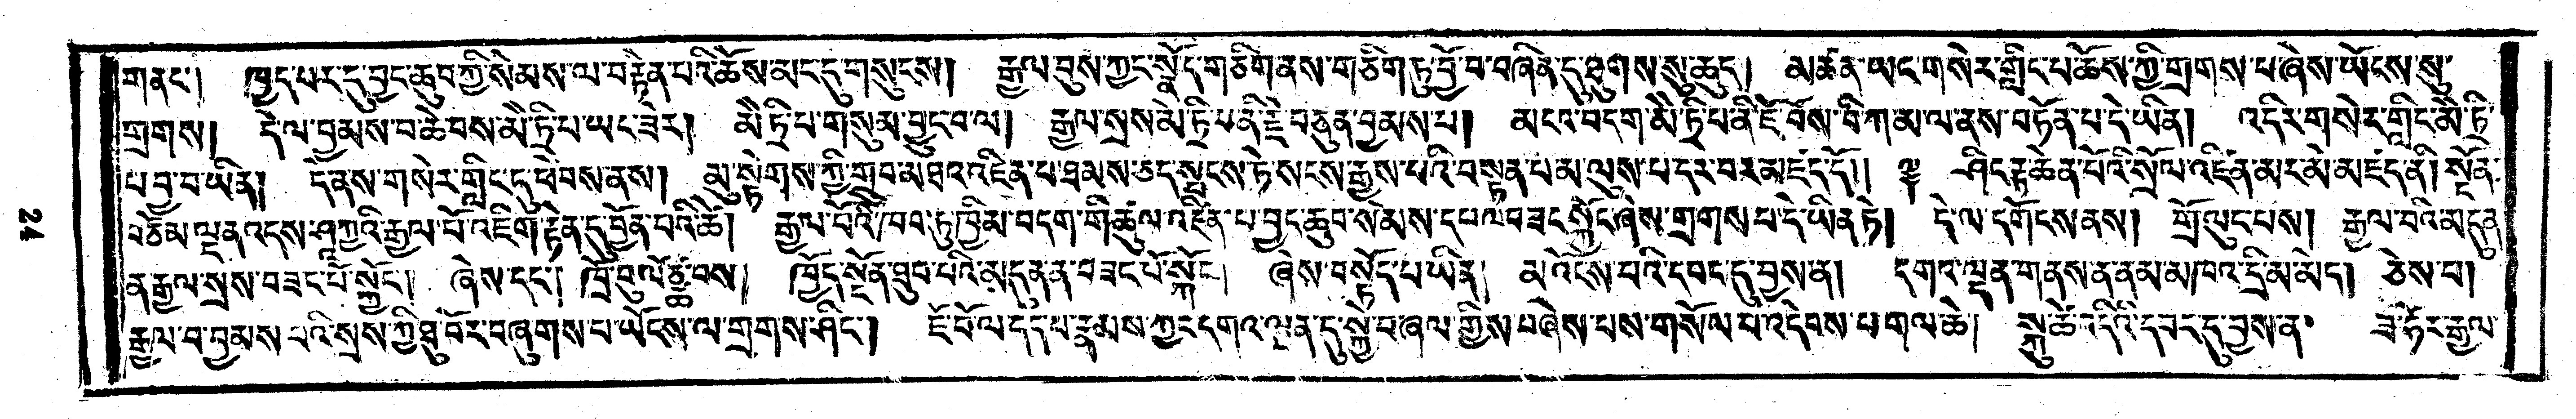གནང་། ཁྱད་པར་དུ་བྱང་ཆུབ་ཀྱི་སེམས་ལ་བརྟེན་པའི་ཆོས་མང་དུ་གསུངས། རྒྱལ་བུས་ཀྱང་སྣོད་གཅིག་ནས་གཅིག་ཏུ་བྱོ་བ་བཞིན་དུ་ཐུགས་སུ་ཆུད། མཚན་ཡང་གསེར་གླིང་པ་ཆོས་ཀྱི་གྲགས་པ་ཞེས་ཡོངས་སུ་
གྲགས། དེ་ལ་བྱམས་པ་ཆེ་བས་མཻ་ཏྲི་པ་ཡང་ཟེར། མཻ་ཏྲི་པ་གསུམ་བྱུང་བ་ལ། རྒྱལ་སྲས་མཻ་ཏྲི་པ་ནི་རྗེ་བཙུན་བྱམས་པ། མངའ་བདག་མཻ་ཏྲི་པ་ནི་ཇོ་བོས་བི་ཀ་མ་ལ་ནས་བཏོན་པ་དེ་ཡིན། འདིར་གསེར་གླིང་མཻ་ཏྲི་
པ་བྱ་བ་ཡིན། དེ་ནས་གསེར་གླིང་དུ་ཕེབས་ནས། མུ་སྟེགས་ཀྱི་གྲུབ་མཐའ་འཛིན་པ་ཐམས་ཅད་སྤངས་ཏེ་སངས་རྒྱས་པའི་བསྟན་པ་མ་ལུས་པ་དར་བར་མཛད་དོ།། ༈ ཤིང་རྟ་ཆེན་པོའི་སྲོལ་འཛིན་མར་མེ་མཛད་ནི། སྔོན་
བཅོམ་ལྡན་འདས་ཤཱཀྱའི་རྒྱལ་པོ་འཇིག་རྟེན་དུ་བྱོན་པའི་ཚེ། རྒྱལ་པོའི་ཁབ་ཏུ་ཁྱིམ་བདག་གི་ཚུལ་འཛིན་པ་བྱང་ཆུབ་སེམས་དཔལ་བཟང་སྐྱོང་ཞེས་གྲགས་པ་དེ་ཡིན་ཏེ། དེ་ལ་དགོངས་ནས། གྲོ་ལུང་པས། རྒྱལ་བའི་མདུན་
ན་རྒྱལ་སྲས་བཟང་པོ་སྐྱོང་། ཞེས་དང་། ཁྲོ་བུ་ལོཙྪ་བས། ཁྱོད་སྔོན་ཐུབ་པའི་མདུན་ན་བཟང་པོ་སྐོང་། ཞེས་བསྟོད་པ་ཡིན། མ་འོངས་པའི་དབང་དུ་བྱས་ན། དགའ་ལྡན་གནས་ན་ནམ་མཁའ་དྲི་མ་མེད། ཅེས་པ།
རྒྱལ་བ་བྱམས་པའི་སྲས་ཀྱི་ཐུ་བོར་བཞུགས་པ་ཡོངས་ལ་གྲགས་ཤིང་། ཇོ་བོ་ལ་དད་པ་རྣམས་ཀྱང་དགའ་ལྡན་དུ་སྐྱེ་བ་ཞལ་གྱིས་བཞེས་པས་གསོལ་བ་འདེབས་པ་གལ་ཆེ། སྐུ་ཚེ་འདིའི་དབང་དུ་བྱས་ན། ཟ་ཧོར་རྒྱལ་